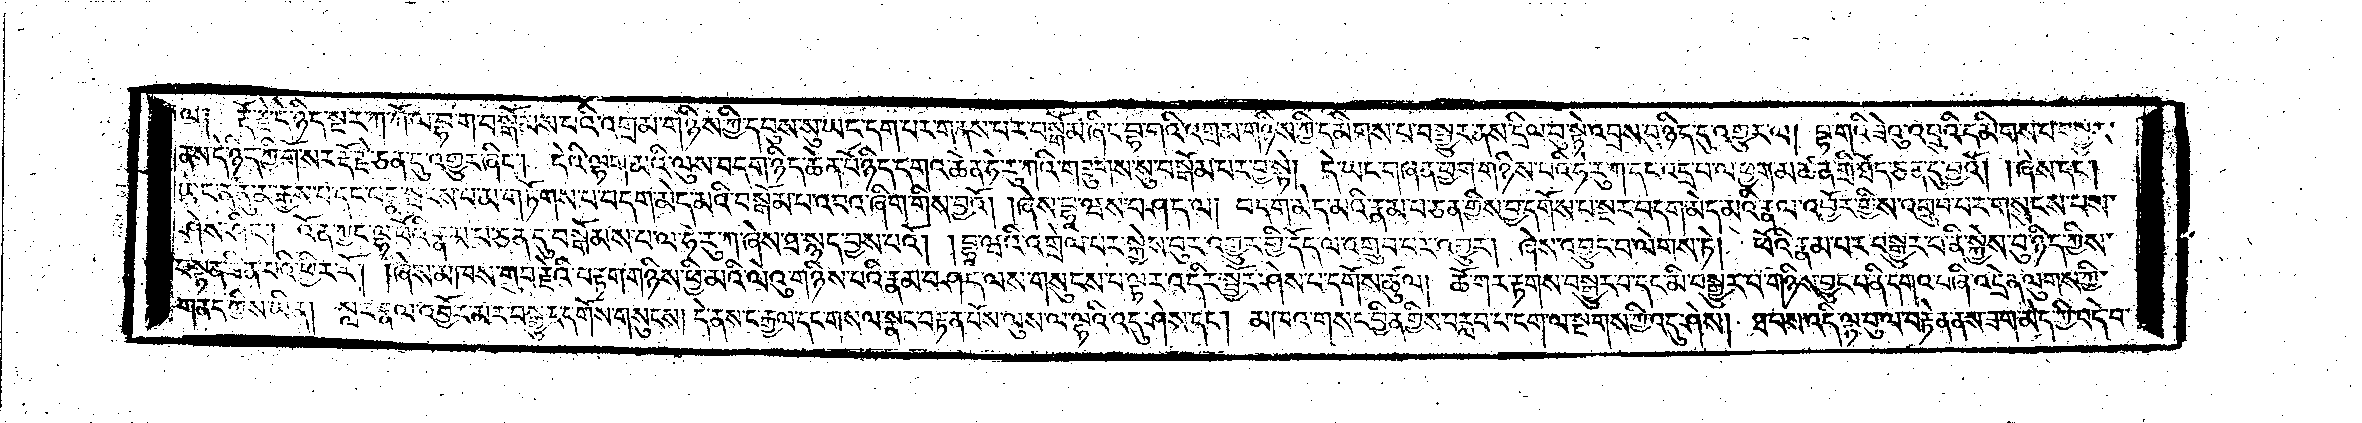ལ༑ རྡོ་རྗེ་དེ་ཉིད་སྔར་ཀ་ཀོ་ལ་བྷ་ག་བསྒོམས་པའི་འགྲམ་གཉིས་ཀྱི་དབུས་སུ་ཡང་དག་པར་གནས་པར་བསྒོམ་ཞིང་བྷ་གའི་འགྲམ་གཉིས་ཀྱི་དམིགས་པ་བསྒྱུར་ནས་དྲིལ་བུ་སྟེ་འབྲས་བུ་ཉིད་དུ་འགྱུར་ལ། བྷ་གའི་ཟེའུ་འབྲུའི་དམིགས་པ་བསྒྱུར་
ནས་དེ་ཉིད་ཀྱི་གོ་སར་རྡོ་རྗེ་ཅན་དུ་འགྱུར་ཞིང་། དེའི་ལྷག་མའི་ལུས་བདག་ཉིད་ཆེན་པོ་ཉིད་དགའ་ཆེན་ཧེ་རུ་ཀའི་གཟུགས་སུ་བསྒོམ་པར་བྱ་སྟེ། དེ་ཡང་གཞན་ཕྱག་གཉིས་པའི་ཧེ་རུ་ཀ་དང་འདྲ་བ་ལ་ཕྱག་མཚན་གྲི་ཐོད་ཅན་དུ་བྱའོ། །ཞེས་དང་།
ཡང་ན་ནུ་མ་རྒྱས་པ་དང་པདམ་སྤངས་པ་མ་གཏོགས་པ་བདག་མེད་མའི་བསྒོམ་པ་འབའ་ཞིག་གིས་བྱའོ། །ཞེས་བྷཱ་ཝས་བཤད་ལ། བདག་མེད་མའི་རྣམ་པ་ཅན་གྱིས་བྱ་དགོས་པ་སྔར་བདག་མེད་མའི་རྣལ་འབྱོར་གྱིས་འགྲུབ་པར་གསུངས་པས་
ཤེས་ཤིང་། འོན་ཀྱང་ལྷ་ཕོའི་རྣམ་པ་ཅན་དུ་བསྒོམས་པ་ལ་ཧེ་རུ་ཀ་ཞེས་ཐ་སྙད་བྱས་པའོ། །བྷཱ་ཝའི་འགྲེལ་པར་སྐྱེས་བུར་འགྱུར་གྱི་དོད་ལ་འགྲུབ་པར་འགྱུར། ཞེས་འབྱུང་བ་ལེགས་ཏེ། ཕོའི་རྣམ་པར་བསྒྱུར་བ་ནི་སྐྱེས་བུ་ཉིད་ཀྱིས་
བསྟན་ཟིན་པའི་ཕྱིར་རོ། །ཞེས་མཁས་གྲུབ་རྗེའི་བརྟག་གཉིས་ཕྱི་མའི་ལེའུ་གཉིས་པའི་རྣམ་བཤད་ལས་གསུངས་པ་ལྟར་འདིར་སྦྱོར་ཤེས་པ་དགོས་ཚུལ། ཆོ་གར་རྟགས་བསྒྱུར་བ་དང་མི་བསྒྱུར་བ་གཉིས་བྱུང་བ་ནི་དགའ་བཞི་འདྲེན་ལུགས་ཀྱི་
གནད་ཀྱིས་ཡིན། སླར་རྣལ་འབྱོར་མར་བསྒྱུར་དགོས་གསུངས། དེ་ནས་ང་རྒྱལ་དང་གསལ་སྣང་བརྟན་པོས་ལུས་ལ་ལྷའི་འདུ་ཤེས་དང་། མཁའ་གསང་བྱིན་གྱིས་བརླབ་པ་ངག་ལ་སྔགས་ཀྱི་འདུ་ཤེས། ཐབས་འདི་ལྟ་བུ་ལ་བརྟེན་ནས་ཟག་མེད་ཀྱི་བདེ་བ་